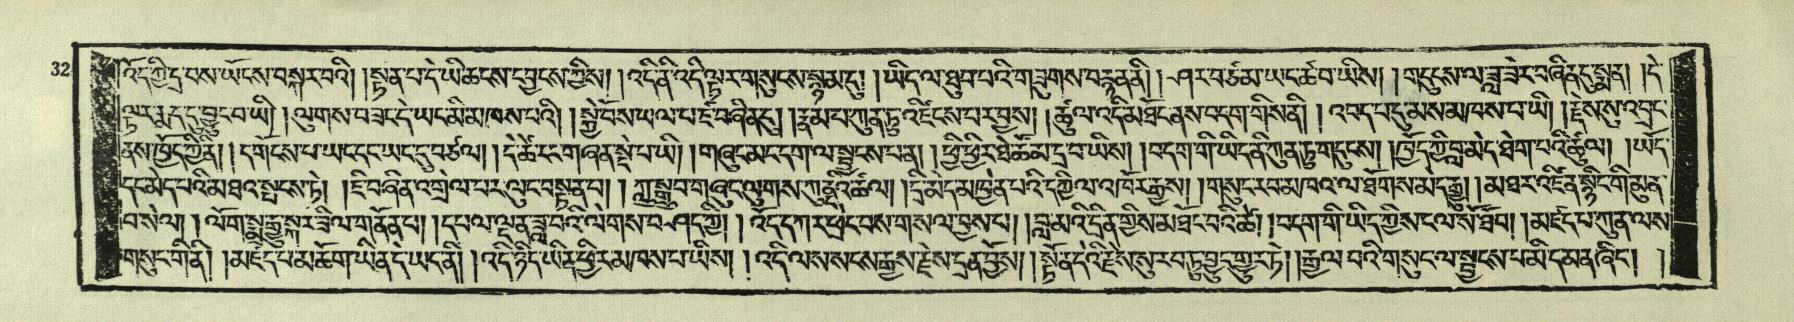འོད་ཀྱི་དྲ་བས་ཡོངས་བསྐར་བའི། །སྟན་པ་དེ་ཡི་ཆངས་དབྱངས་ཀྱིས། །འདི་ནི་འདི་ལྟར་གསུངས་སྙམ་དུ། །ཡིད་ལ་ཐུབ་པའི་གཟུགས་བརྙན་ནི། །ཤར་བ་ཙམ་ཡང་ཚ་བ་ཡིས། །གདུངས་ལ་ཟླ་ཟེར་བཞིན་དུ་སྨན། །དེ་
ལྟར་རྨད་དུ་བྱུང་བ་ཡི། །ལུགས་བཟང་དེ་ཡང་མི་མཁས་པའི། །སྐྱེ་བོས་ཡལ་པ་ཛ་བཞིན་དུ། །རྣམ་པ་ཀུན་ཏུ་འཛིངས་པར་བྱས། །ཚུལ་འདི་མཐོང་ནས་བདག་གིས་ནི། །འབད་པ་དུ་མས་མཁས་པ་ཡི། །རྗེས་སུ་འབྲང་
ནས་ཁྱོད་ཀྱི་ནི། །དགོངས་པ་ཡང་དང་ཡང་དུ་བཙལ། །དེ་ཚེ་རང་གཞན་སྡེ་པ་ཡི། །གཞུང་མང་དག་ལ་སྦྱངས་པ་ན། །ཕྱི་ཕྱིར་ཐེ་ཚོམ་དྲ་བ་ཡིས། །བདག་གི་ཡིད་ནི་ཀུན་ཏུ་གདུངས། །ཁྱོད་ཀྱི་བླ་མེད་ཐེག་པའི་ཚུལ། །ཡོད་
དང་མེད་པའི་མཐའ་སྤངས་ཏེ། །ཇི་བཞིན་འགྲེལ་པར་ལུང་བསྟན་པ། །ཀླུ་སྒྲུབ་གཞུང་ལུགས་ཀུནྡའི་ཚལ། །དྲི་མེད་མཁྱེན་པའི་དཀྱིལ་འཁོར་རྒྱས། །གསུང་རབ་མཁའ་ལ་ཐོགས་མེད་རྒྱུ། །མཐར་འཛིན་སྙིང་གི་མུན་
བ་སེལ། །ལོག་སྨྲ་རྒྱུ་སྐར་ཟིལ་གནོན་པ། །དཔལ་ལྡན་ཟླ་བའི་ལེགས་བཤད་ཀྱི། །འོད་དཀར་ཕྲེང་བས་གསལ་བྱས་པ། །བླ་མའི་དྲིན་གྱིས་མཐོང་བའི་ཚེ། །བདག་གི་ཡིད་ཀྱིས་ངལ་སོ་ཐོབ། །མཛད་པ་ཀུན་ལས་
གསུང་གི་ནི། །མཛད་པ་མཆོག་ཡིན་དེ་ཡང་ནི། །འདི་ཉིད་ཡིན་ཕྱིར་མཁས་པ་ཡིས། །འདི་ལས་སངས་རྒྱས་རྗེས་དྲན་བྱོས། །སྟོན་དེའི་རྗེས་སུ་རབ་ཏུ་བྱུང་གྱུར་ཏེ། །རྒྱལ་བའི་གསུང་ལ་སྦྱངས་པ་མི་དམན་ཞིང་། །